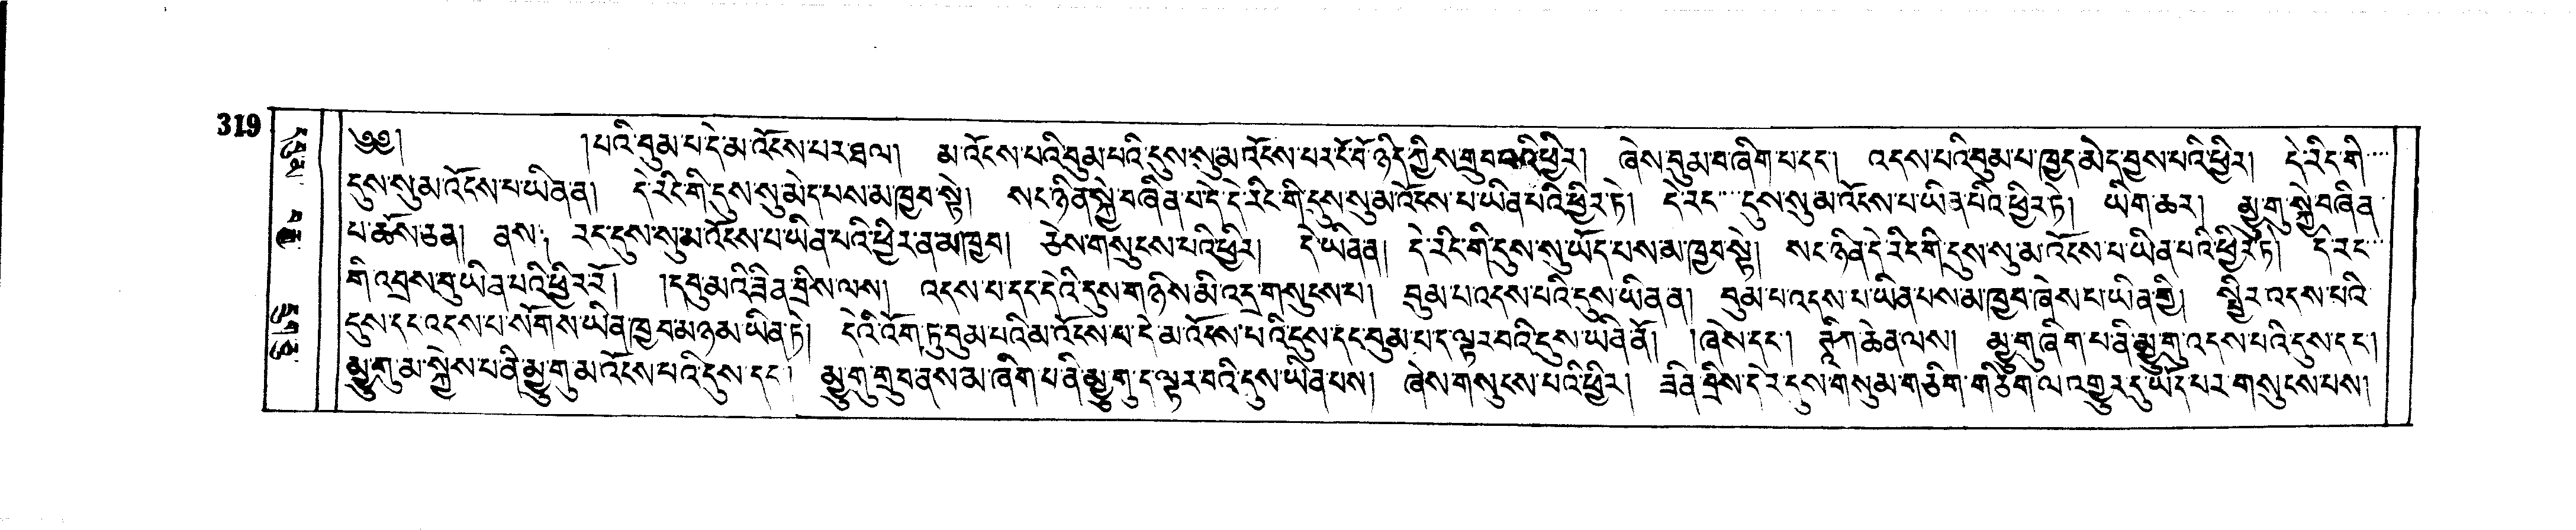༄༅། །པའི་བུམ་པ་དེ་མ་འོངས་པར་ཐལ། མ་འོངས་པའི་བུམ་པའི་དུས་སུ་མ་འོངས་པར་ངོ་བོ་ཉིད་ཀྱིས་གྲུབ་པའི་ཕྱིར། ཞེས་བུམ་པ་ཞིག་པ་དང་། འདས་པའི་བུམ་པ་ཁྱད་མེད་བྱས་པའི་ཕྱིར། དེ་རིང་གི་
དུས་སུ་མ་འོངས་པ་ཡིན་ན། དེ་རིང་གི་དུས་སུ་མེད་པས་མ་ཁྱབ་སྟེ། སང་ཉིན་སྐྱེ་བཞིན་པ་དེ་དེ་རིང་གི་དུས་སུ་མ་འོངས་པ་ཡིན་པའི་ཕྱིར་ཏེ། དེ་རང་དུས་སུ་མ་འོངས་པ་ཡིན་པའི་ཕྱིར་ཏེ། ཡིག་ཆར། མྱུ་གུ་སྐྱེ་བཞིན་
པ་ཆོས་ཅན། ནས༑ རང་དུས་སུ་མ་འོངས་པ་ཡིན་པའི་ཕྱིར་ན་མ་ཁྱབ། ཅེས་གསུངས་པའི་ཕྱིར། དེ་ཡིན་ན། དེ་རིང་གི་དུས་སུ་ཡོད་པས་མ་ཁྱབ་སྟེ། སང་ཉིན་དེ་རིང་གི་དུས་སུ་མ་འོངས་པ་ཡིན་པའི་ཕྱིར་ཏེ། དེ་རང་
གི་འབྲས་བུ་ཡིན་པའི་ཕྱིར་རོ། །དབུ་མའི་ཟིན་བྲིས་ལས། འདས་པ་དང་དེའི་དུས་གཉིས་མི་འདྲ་གསུངས་པ། བུམ་པ་འདས་པའི་དུས་ཡིན་ན། བུམ་པ་འདས་པ་ཡིན་པས་མ་ཁྱབ་ཞེས་པ་ཡིན་གྱི། སྤྱིར་འདས་པའི་
དུས་དང་འདས་པ་སོགས་ཡིན་ཁྱབ་མཉམ་ཡིན་ཏེ། དེའི་འོག་ཏུ་བུམ་པའི་མ་འོངས་པ་དེ་མ་འོངས་པའི་དུས་དང་བུམ་པ་ད་ལྟར་བའི་དུས་ཡིན་ནོ། །ཞེས་དང་། ཊཱིཀ་ཆེན་ལས། མྱུ་གུ་ཞིག་པ་ནི་མྱུ་གུ་འདས་པའི་དུས་དང་། མྱུ་གུ་མ་སྐྱེས་པ་ནི་མྱུ་གུ་མ་འོངས་པའི་དུས་དང་། མྱུ་གུ་གྲུབ་ནས་མ་ཞིག་པ་ནི་མྱུ་གུ་ད་ལྟར་བའི་དུས་ཡིན་པས། ཞེས་གསུངས་པའི་ཕྱིར། ཟིན་བྲིས་དེར་དུས་གསུམ་གཅིག་གཅིག་ལ་འགྱུར་དུ་ཡོད་པར་གསུངས་པས།